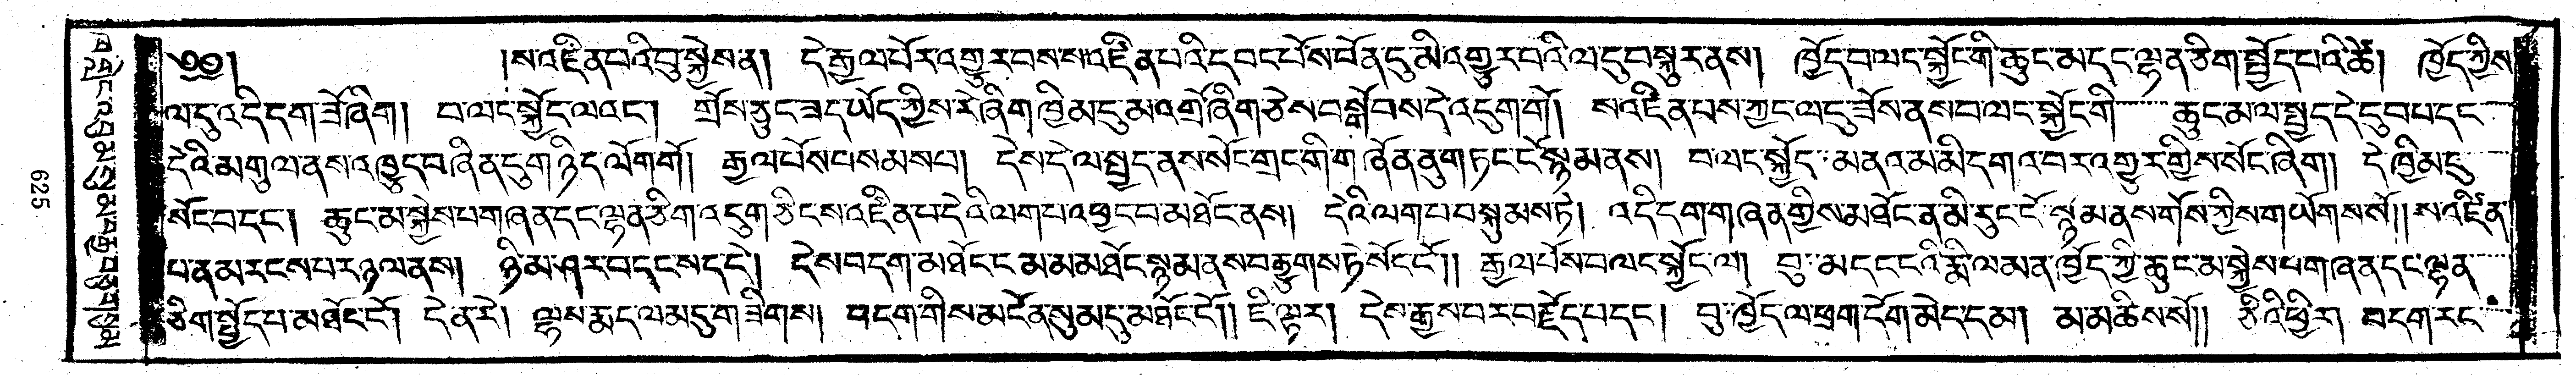༄༅། །ས་འཛིན་པའི་བུ་སྐྱེས་ན། དེ་རྒྱལ་པོར་འགྱུར་བས་ས་འཛིན་པའི་དབང་པོ་ས་བོན་དུ་མི་འགྱུར་བའི་ལ་དུ་བསྐུར་ནས། ཁྱོད་བ་ལང་སྐྱོང་གི་ཆུང་མ་དང་ལྷན་ཅིག་སྤྱོད་པའི་ཚེ། ཁྱོད་ཀྱིས་
ལ་དུ་འདི་དག་ཟོ་ཞིག། བ་ལང་སྐྱོང་ལའང་། གྲོས་ཅུང་ཟད་ཡོད་ཀྱིས་རེ་ཞིག་ཁྱིམ་དུ་མ་འགྲོ་ཞིག་ཅེས་བསྒོབས་དེ་འདུག་གོ། ས་འཛིན་པས་ཀྱང་ལ་དུ་ཟོས་ནས་བ་ལང་སྐྱོང་གི་ཆུང་མ་ལ་སྤྱད་དེ་དུབ་པ་དང་
དེའི་མགུལ་ནས་འཁྱུད་བཞིན་དུ་གཉིད་ལོག་གོ། རྒྱལ་པོས་བསམས་པ། དེས་དེ་ལ་སྤྱད་ནས་སོང་གྲང་གི་གཞོན་ནུ་གཏང་ངོ་སྙམ་ནས། བ་ལང་སྐྱོད༑ མནའ་མ་མི་དགའ་བར་འགྱུར་གྱིས་སོང་ཞིག། དེ་ཁྱིམ་དུ་
སོང་བ་དང་། ཆུང་མ་སྐྱེས་པ་གཞན་དང་ལྷན་ཅིག་འདུག་ཅིང་ས་འཛིན་པ་དེའི་ལག་པ་འཕྱང་བ་མཐོང་ནས། དེའི་ལག་པ་བསྐུམས་ཏེ། འདི་དག་གཞན་གྱིས་མཐོང་ན་མི་རུང་ངོ་སྙམ་ནས་གོས་ཀྱིས་གཡོགས་སོ།། ས་འཛིན་
པ་ནམ་རངས་པར་ཉལ་ནས། ཉི་མ་ཤར་བ་དང་སད་དེ། དེས་བདག་མཐོང་ངམ་མ་མཐོང་སྙམ་ནས་བརྒྱུགས་ཏེ་སོང་ངོ། །རྒྱལ་པོས་བ་ལང་སྐྱོང་ལ། བུ༑ མདང་ངའི་རྨི་ལམ་ན་ཁྱོད་ཀྱི་ཆུང་མ་སྐྱེས་པ་གཞན་དང་ལྷན་
ཅིག་སྤྱོད་པ་མཐོང་ངོ། དེ་ན་རེ། ལྷས་རྨད་ལམ་དུ་གཟིགས། བདག་གིས་མངོན་སུམ་དུ་མཐོང་ངོ།། ཇི་ལྟར། དེས་རྒྱས་པར་བརྗོད་པ་དང་། བུ༑ ཁྱོད་ལ་ཕྲག་དོག་མེད་དམ། མ་མཆིས་སོ།། ཅིའི་ཕྱིར། བདག་རང་